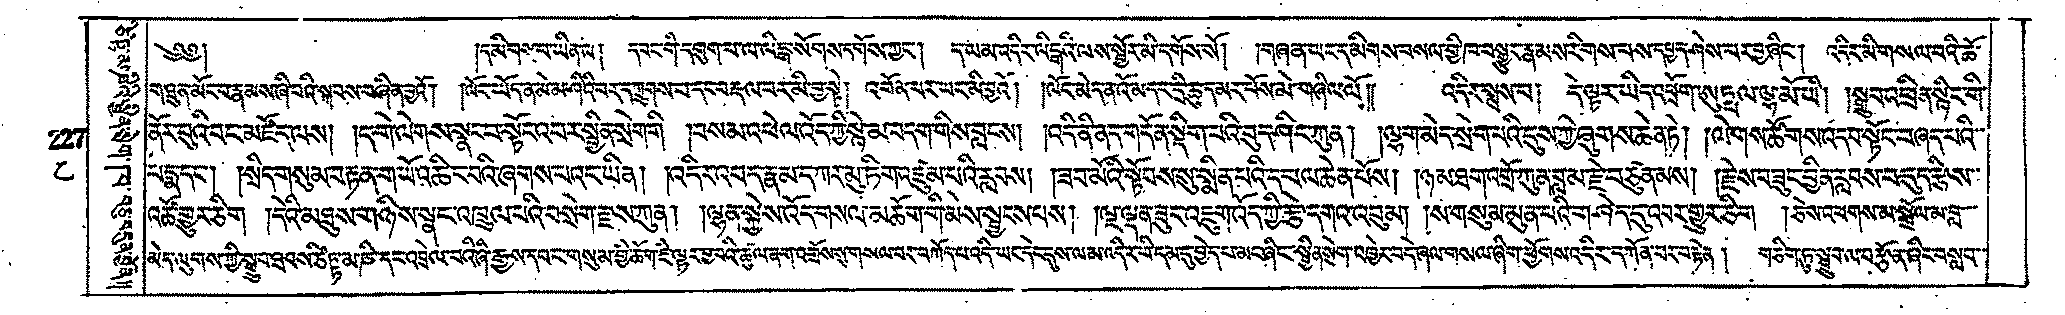༄༅། །དམིགས་པ་ཡིན་ལ། དབང་གི་དགུག་པ་ལ་ལིངྒ་སོགས་དགོས་ཀྱང་། ད་ལམ་འདིར་ལིངྒའི་ལས་སྦྱོར་མི་དགོས་སོ། །གཞན་ཡང་དམིགས་བསལ་གྱི་ཁ་བསྒྱུར་རྣམས་རིགས་པས་དཔྱད་ཤེས་པར་བྱ་ཞིང་། འདིར་མི་གསལ་བའི་ཆོ་
ག་ཐུན་མོང་བ་རྣམས་ཞི་བའི་སྐབས་བཞིན་བྱའོ། །ལོང་ཡོད་ན་མེ་མ་ཤིའི་བར་དཀྲུགས་པ་དང་བརྡལ་བར་མི་བྱ་སྟེ། འགོམ་པར་ཡང་མི་བྱའོ། །ལོང་མེད་ན་འོ་མ་དང་དྲི་ཆུ་དམར་པོས་མེ་གཞི་ལ་ལོ།། འདིར་སྨྲས་པ། དེ་ལྟར་ཡིད་འཕྲོག་ཨུཏྤལ་ལྷ་མོ་ཡི། །སྒྲུབ་འཕྲིན་སྙིང་གི་
ནོར་བུའི་བང་མཛོད་ལས། །དགེ་ལེགས་སྣང་བ་སྟོང་འབར་སྦྱིན་སྲེག་གི །བསམ་འཕེལ་འོད་ཀྱི་སྙེ་མ་བདག་གིས་བླངས། །འདི་ནི་ནད་གདོན་སྡིག་པའི་བུད་ཤིང་ཀུན། །ལྷག་མེད་སྲེག་པའི་དུས་ཀྱི་ཞུགས་ཆེན་ཏེ། །ལེགས་ཚོགས་འདབ་སྟོང་བཞད་པའི་་་
པདམ་དང་། །སྲིད་གསུམ་བརྟན་གཡོ་འཆིང་བའི་ཞགས་པའང་ཡིན། །འདིར་འབད་རྣམ་དཀར་མུ་ཏིག་འཛུམ་པའི་རླབས། །ཟབ་མོའི་སྟོབས་སུ་སྨིན་པའི་དཔལ་ཆེན་པོས། །ཉམ་ཐག་འགྲོ་ཀུན་བླ་མ་རྗེ་བཙུན་མས། །རྗེས་བཟུང་བྱིན་རླབས་བདུད་རྩིས་་་
འཚོ་གྱུར་ཅིག །དེའི་མཐུས་གཉིས་སྣང་འཁྲུལ་པའི་བསྲེག་རྫས་ཀུན། །ལྷན་སྐྱེས་འོད་གསལ་མཆོག་གི་མེས་སྦྱངས་པས། །ལྔ་ལྡན་ཟུང་འཇུག་འོད་ཀྱི་རྩེ་དགའ་འབུམ། །ས་གསུམ་མུན་པའི་གཤེད་དུ་འབར་གྱུར་ཅིག །ཅེས་འཕགས་མ་སྒྲོལ་མ་བླ་་་
མེད་ལུགས་ཀྱི་སྒྲུབ་ཐབས་ཙིཏྟ་མ་ཎི་དང་འབྲེལ་བའི་ཞི་རྒྱས་དབང་གསུམ་གྱི་ཆོ་ག་ཇི་ལྟར་བྱ་བའི་ཚུལ་ནག་འགྲོས་སུ་གསལ་བར་བཀོད་པ་འདི་ཡང་དེང་དུས་ལམ་འདིར་ཡི་དམ་དུ་བྱེད་པ་མང་ཞིང་སྦྱིན་སྲེག་འཁྱེར་བདེ་ཞལ་གསལ་ཞིག་ཕྱོགས་འདིར་དཀོན་པར་བརྟེན། གཅིག་ཏུ་སྒྲུབ་ལ་བརྩོན་ཞིང་བསླབ་་་